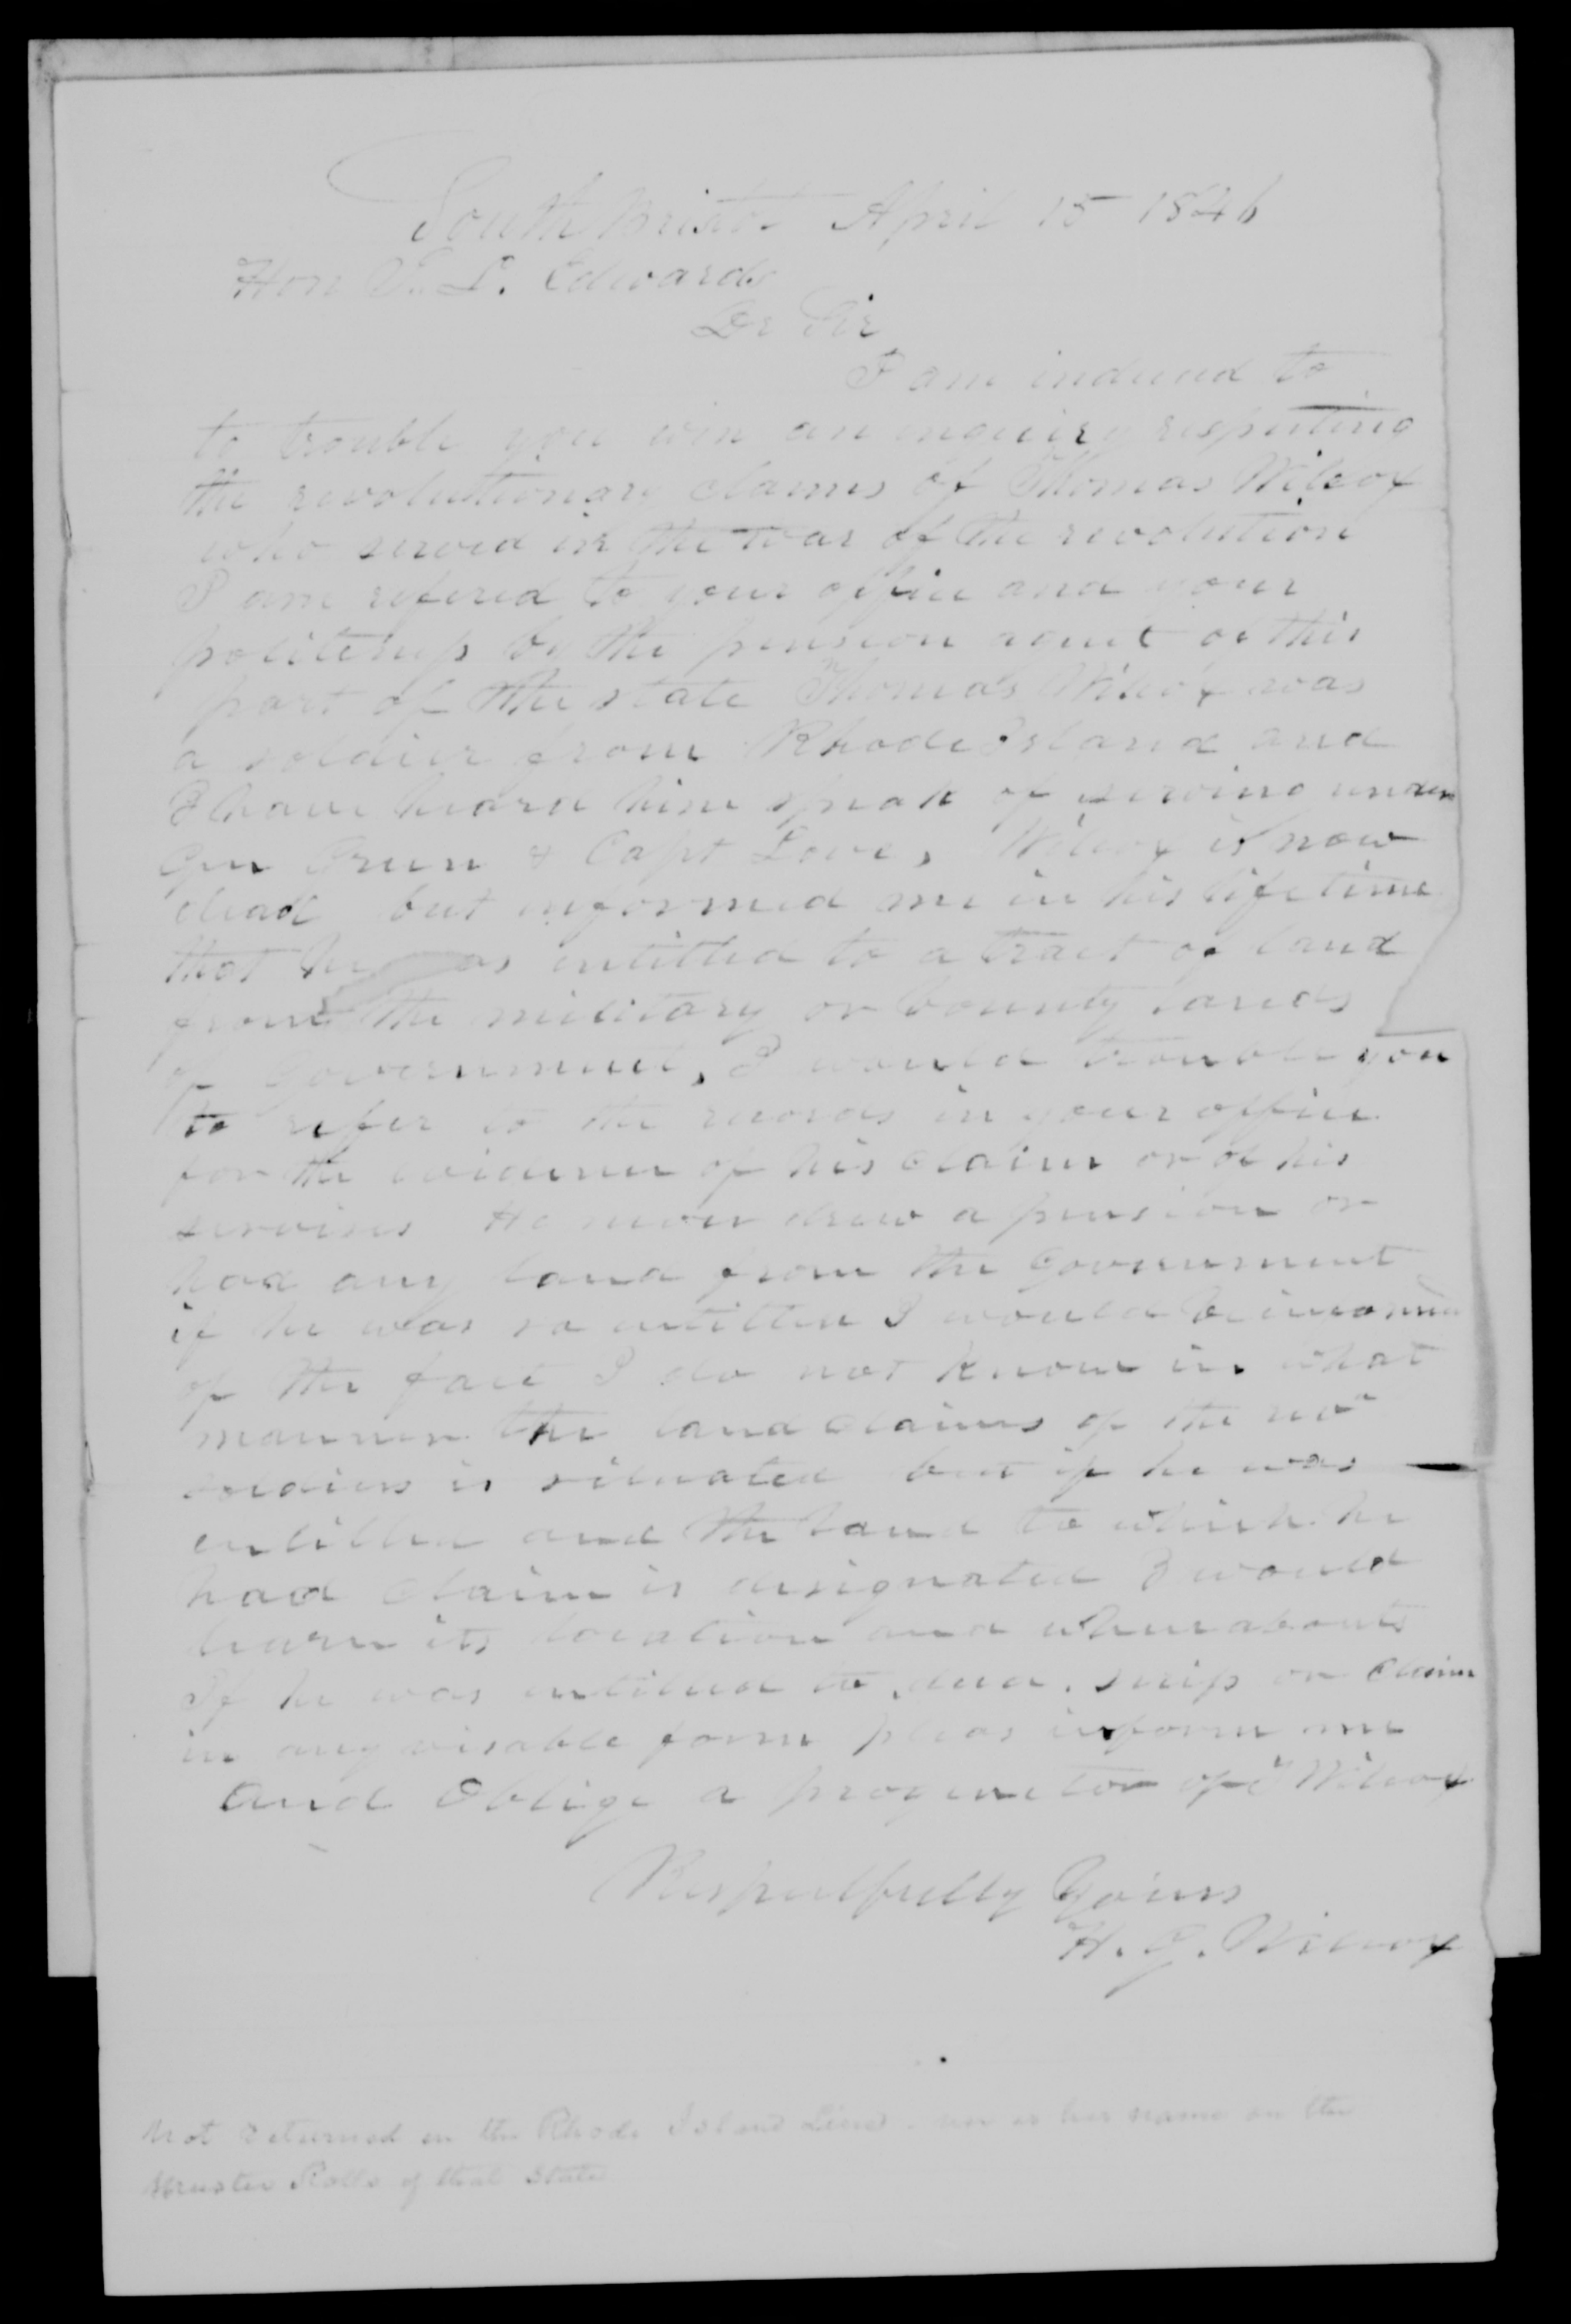South Bristol  April 15 1846
Hon. L. Edwards
Dear Sir
I am induced to
to trouble you with our enquiry respecting
the revolutionary claims of Thomas Wilcox of
who served in 
in the war of the revolution.
I am refered to your office and your
politeness ,of the pensions [illegible]out of this
part of the state Thomas Will was a
soldier from Rhod island and
I have heard him speak of serving under
Gen Pruss & Capt Love, Wilcox is now
dead but informed me in his lifetime
that he is entitled to a tract of land
from the military or County and or Government, awarded from all you -
to refer to the [illegible] in your office
for the evidence of his claims or of his
services He never drew a pension or
had any land from the Government
if he was so entitled I would be [illegible]
of the fact I do not know in what
manner the land claims of the provisions [illegible] is situated but if he was
entitled and the land to which he
had claim is assignated I would
learn its location and whereabouts
If he was entitled to, check. [illegible] on [illegible]
in any visable forms pleas inform me
and Oblige a progenator of Wilcox
Respectfully Yours
●
H. J. Wilcox
not returned in the Rhode Island List. her or his name on the
Muster Rolls of that State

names: H J Wilcox, Lewis Wilcox, Thomas Wilcox, J L Edwards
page: 34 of 39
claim: widow's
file: W. 26046, Thomas Willcox, R.I.